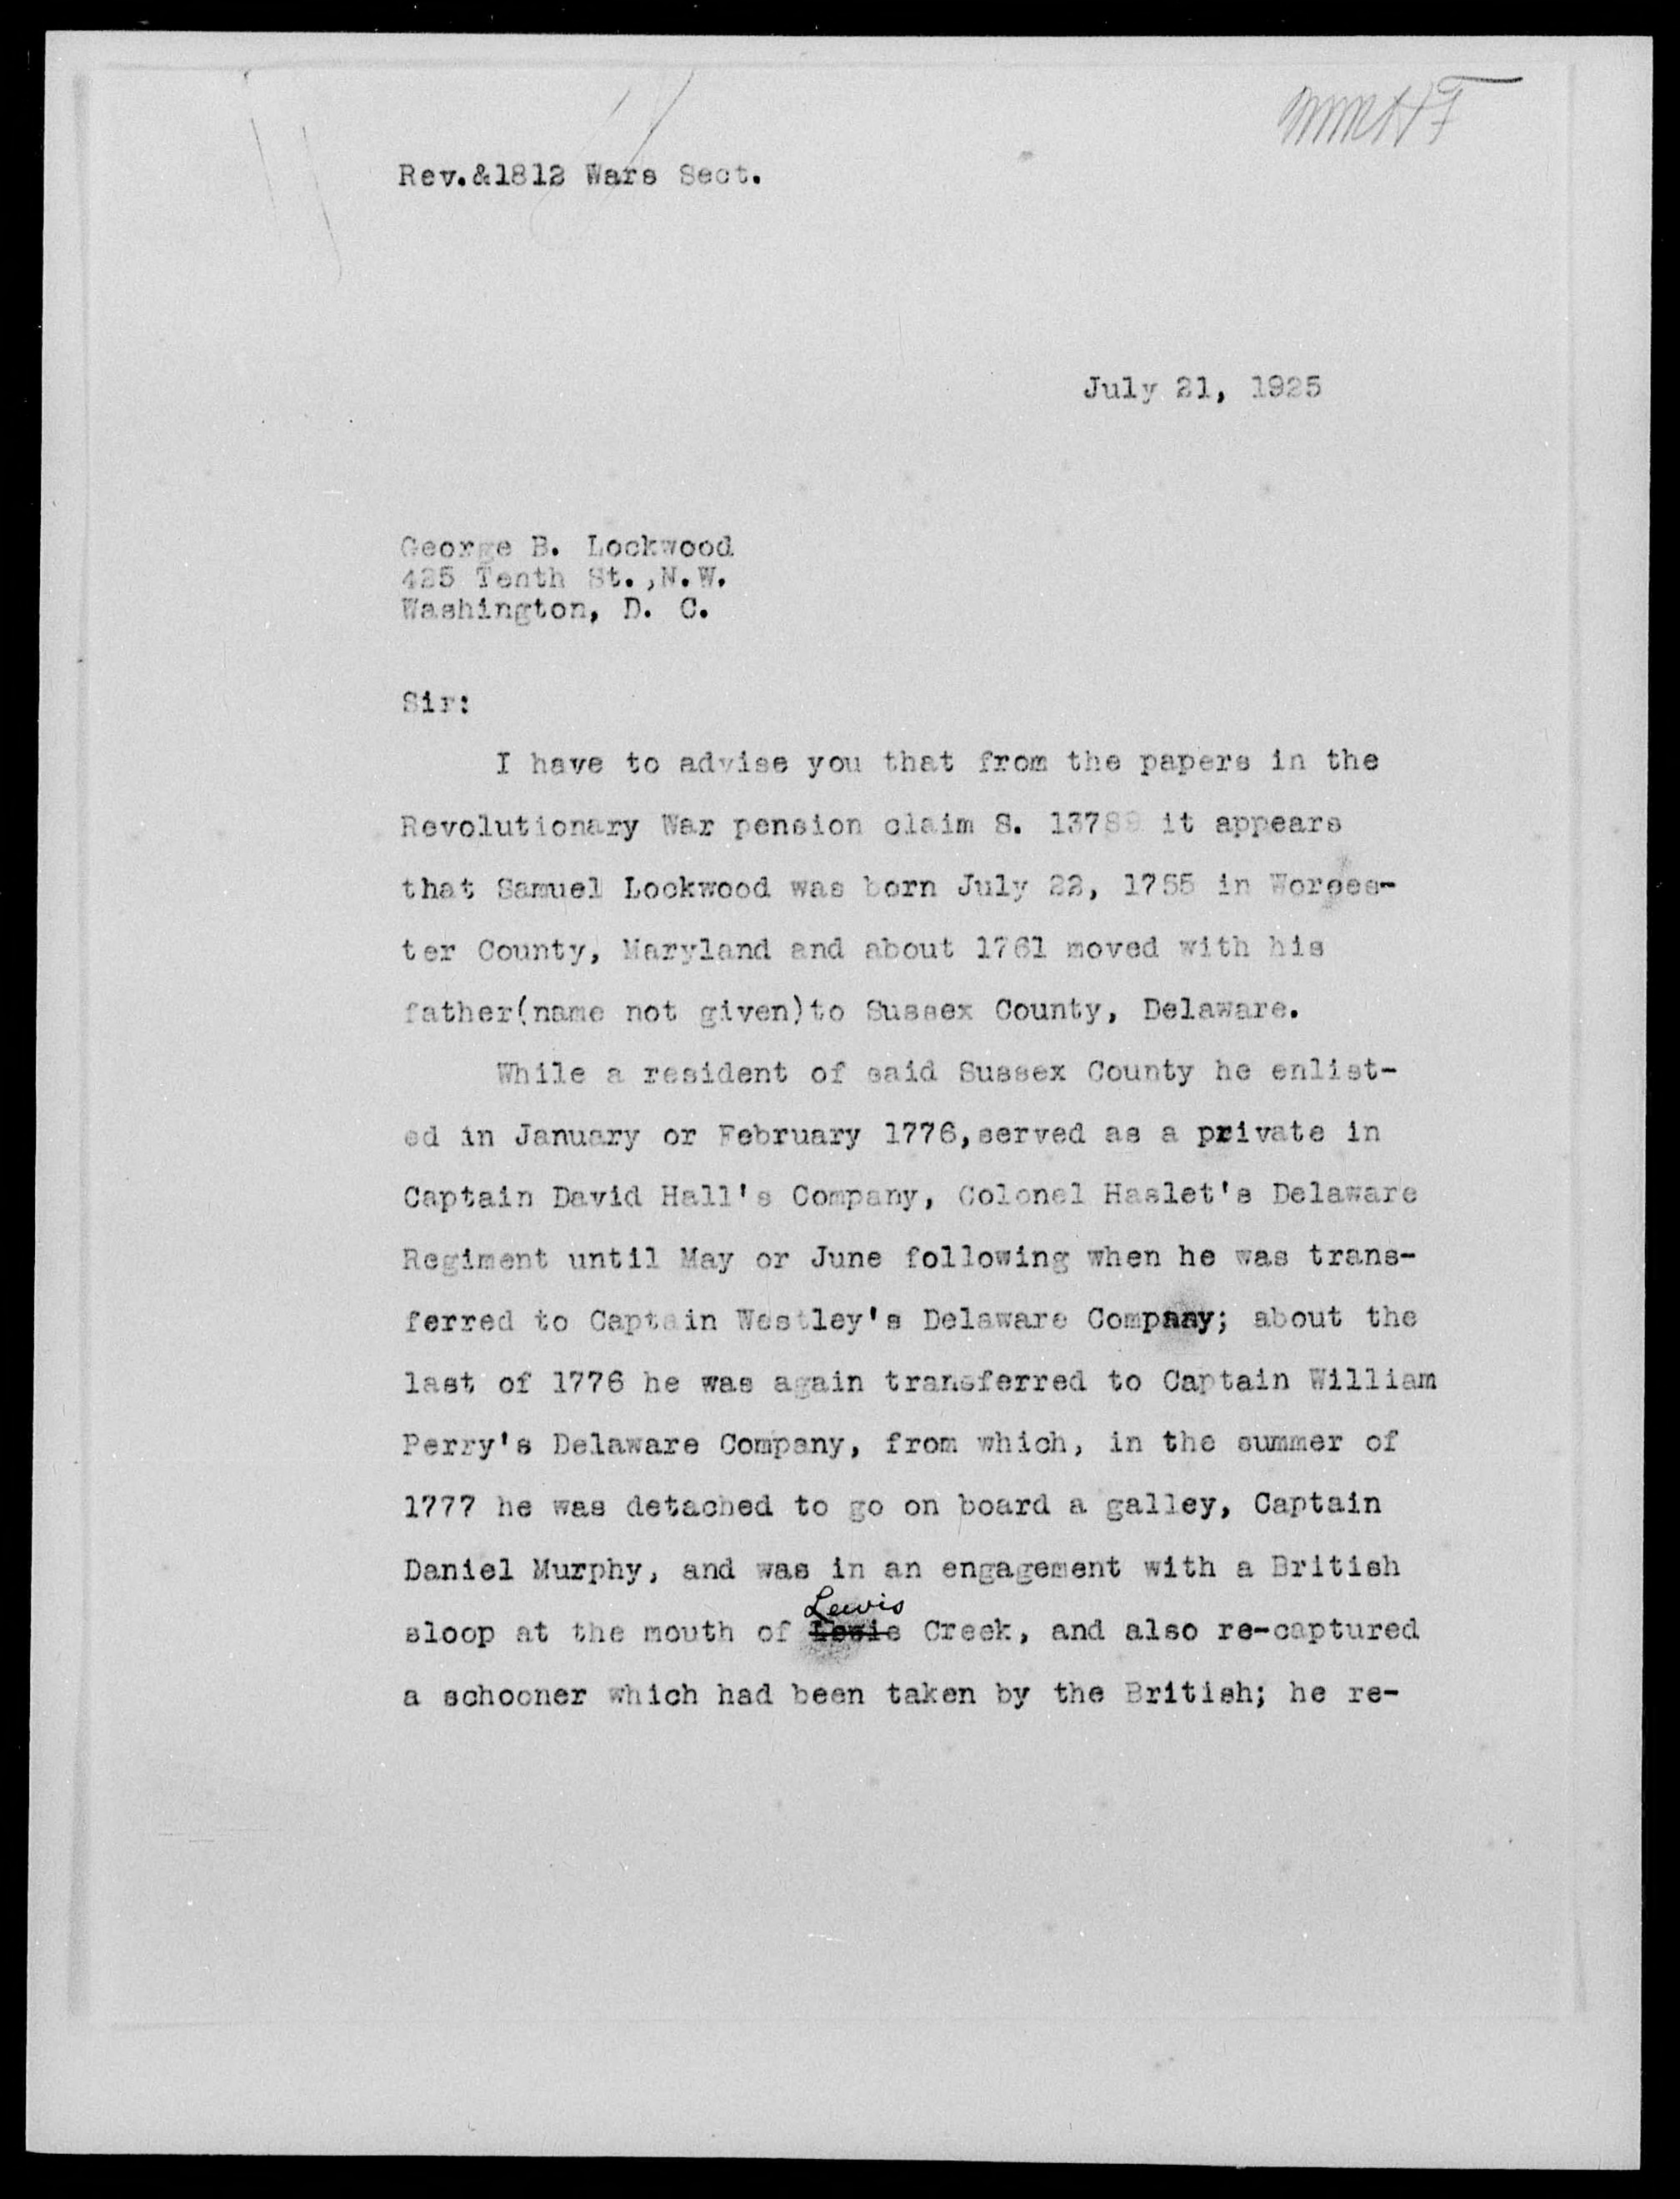Rev. & 1812 Wars Sect.
July 21, 1925

George B. Lockwood
425 Tenth St. N. W.
Washington, D. C.

Sir:
I have to advise you that from the papers in the
Revolutionary War pension claim S. 13389 it appears
that Samuel Lockwood was born July 22, 1755 in Worcester
County, Maryland and about 1761 moved with his
father (name not given) to Sussex County, Delaware.
While a resident of said Sussex County he enlisted
in January or February 1776, served as a private in
Captain David Hall's Company, Colonel Haslet's Delaware
Regiment until May or June following when he was transferred
to Captain Westley's Delaware Company; about the
last of 1776 he was again transferred to Captain William
Perry's Delaware Company, from which, in the summer of
1777 he was detached to go on board a galley, Captain
Daniel Murphy, and was in an engagement with a British
sloop at the mouth of Lewis Creek, and also re-captured
a schooner which had been taken by the British he re-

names: Samuel Lockwood; Daniel Murphy; George B Lockwood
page: 15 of 25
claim: survivor's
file: S. 13789, for Samuel Lockwood, Delaware